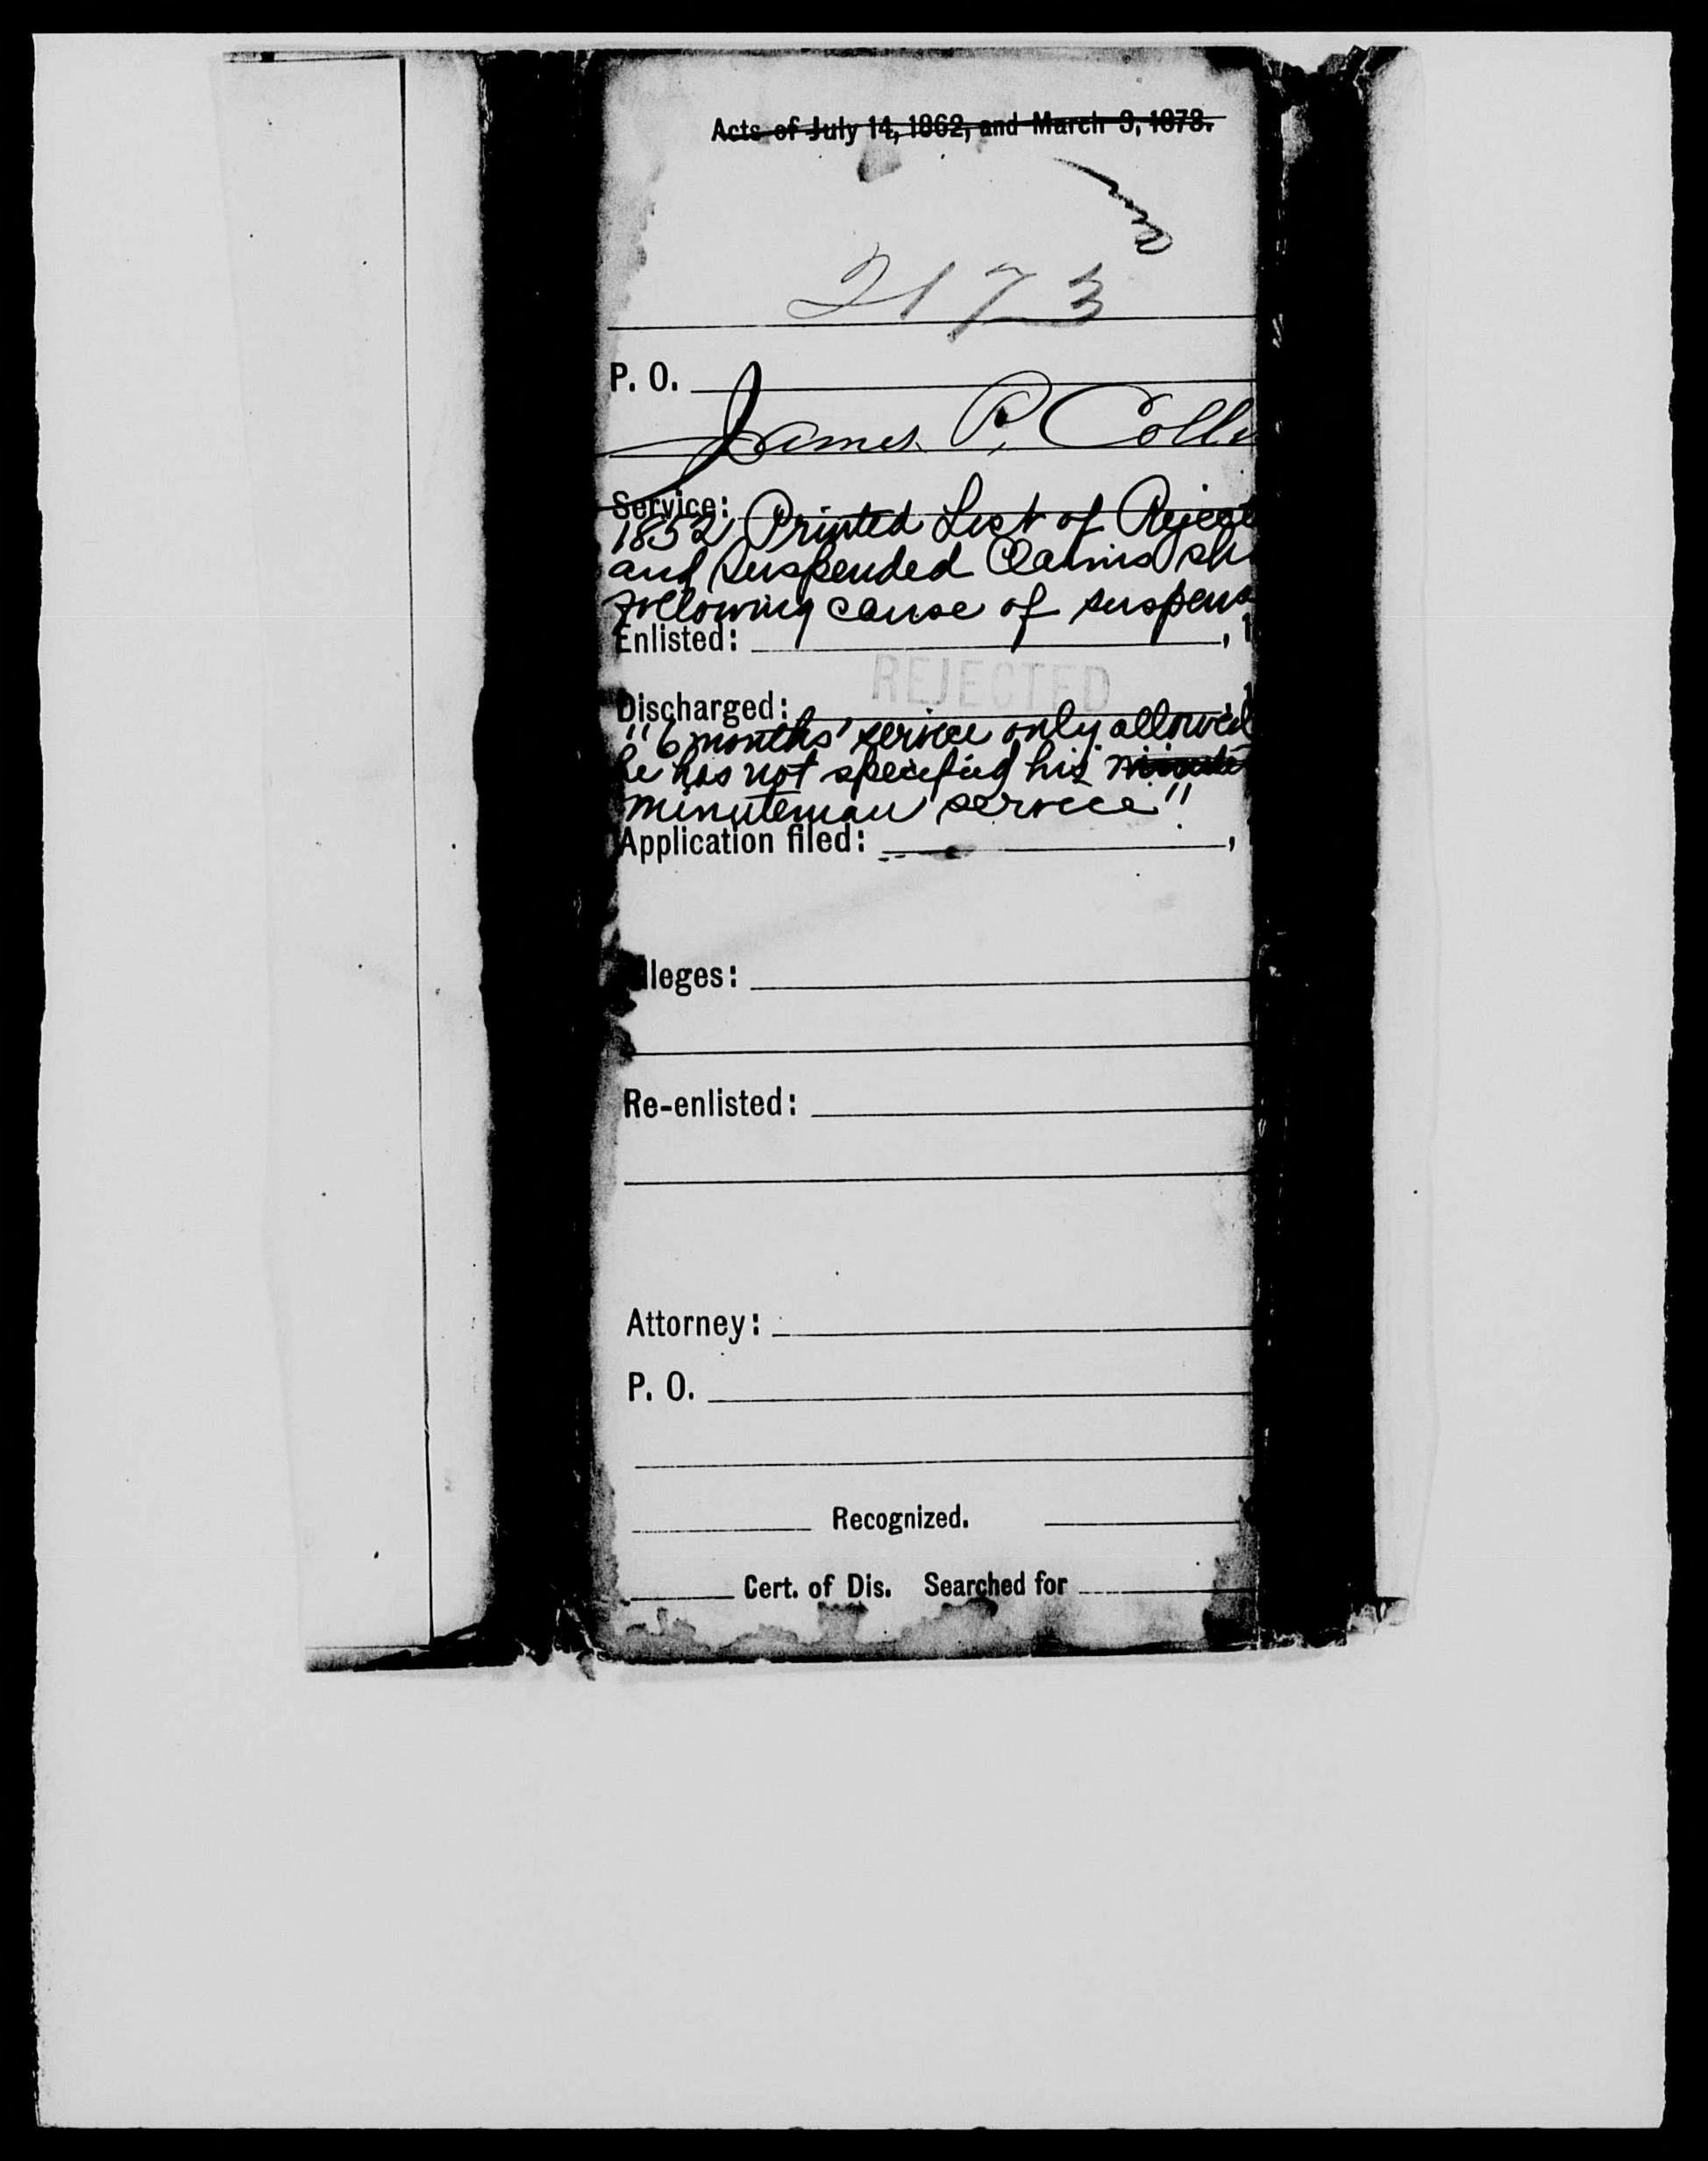P.O.
James P Coller

Service:
1852 Printed List of Reject
and Suspended Claims sh
following cause of suspens

Enlisted:                 , 1

Discharged:  REJECTED
"6 months' service only allowed
he has not specified his
Minuteman service"
         , 
Application filed:   , 

Alleges:  

Re-enlisted:

Attorney: 
P. O. _
_____Recognized.   _____Contract.
Cert.  of  Dis.        Searched for, 18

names: James P Collins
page: 48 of 48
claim: rejected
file: R. 2173, James P Collins, S. C.